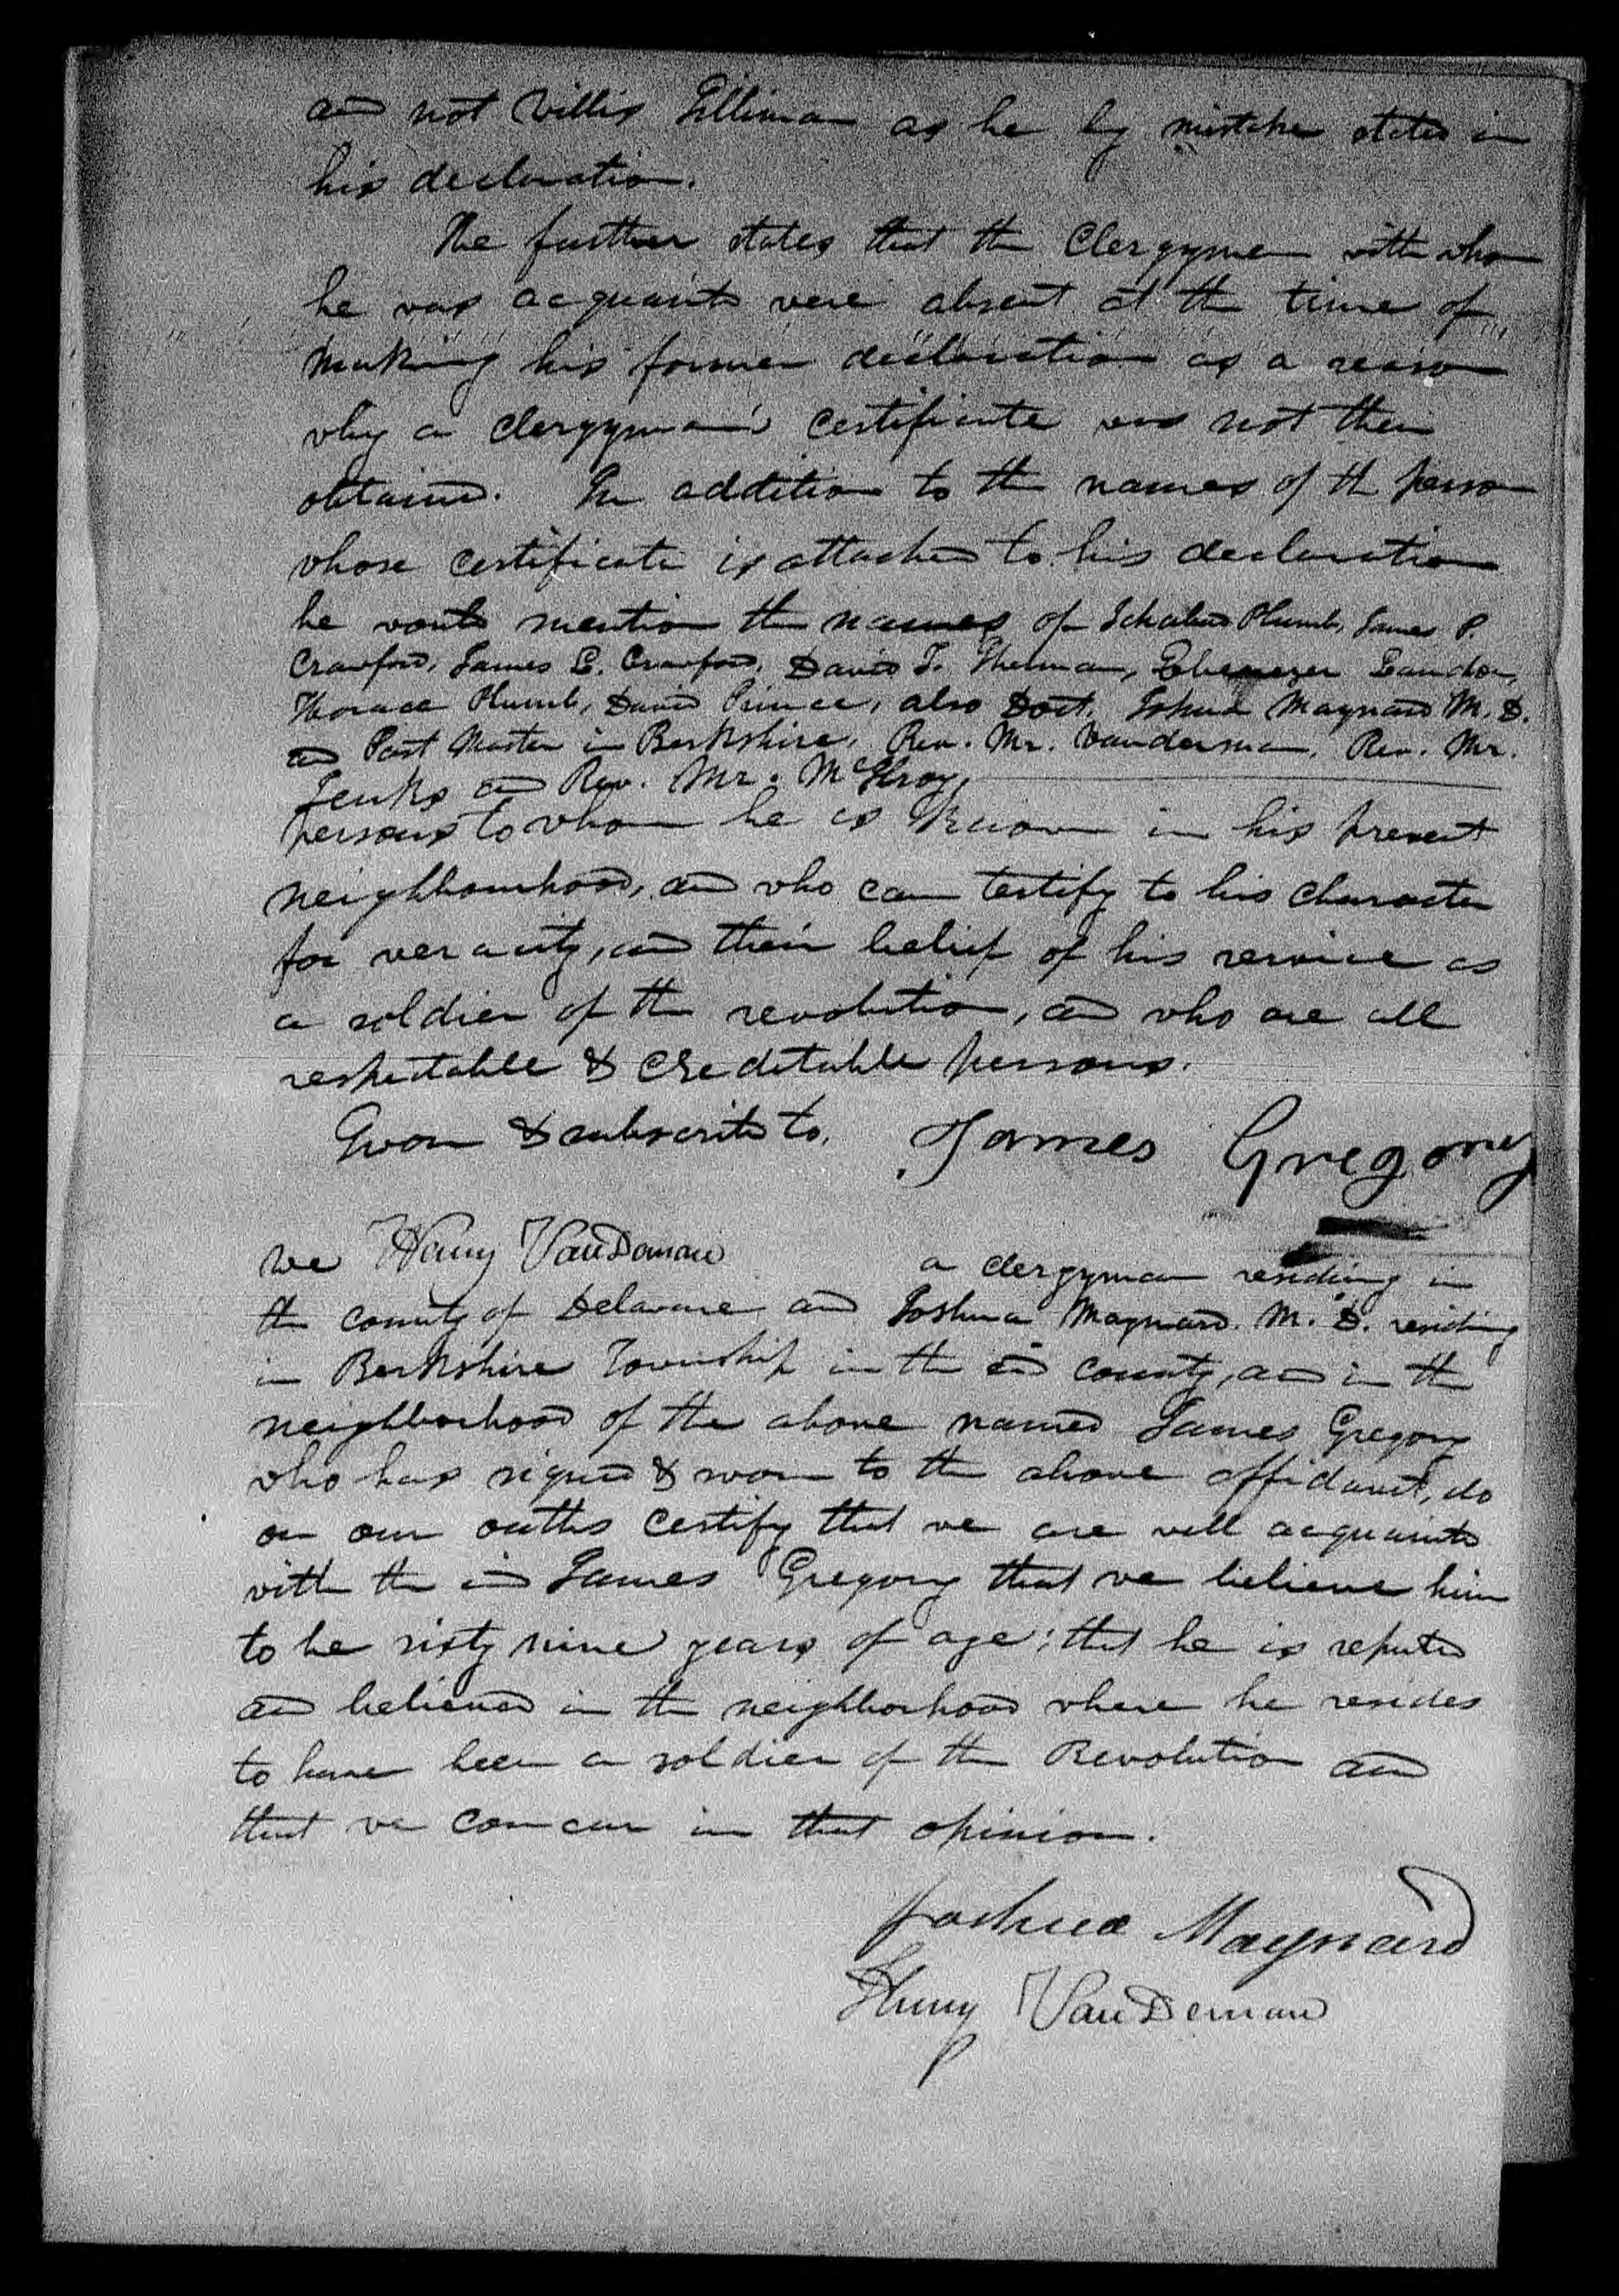and not Willis Gilliman as he by mistake states in his declaration.

He further states that the clergymen with who he was acquainted were absent at the time of making his former declaration as a reason why a clergyman's certificate was not then obtained, In addition to the names of the person whose certificate is attached to his declaration he wants mention the names of Ichabod Plumb, James P Crawford, James P Crawford, David T Sherman, Ebenezer London, Horace Plumb, David Prince, also Doct. Joshua Maynard M.D. and Post Master in Berkshire, Rev. Mr. Vanderma, Rev. Mr. Jenks and Rev. Mr. McIlroy- persons to whom he is known in his present neighborhood, and who can testify to his character for veracity, and their belief of his service as a soldier of the revolution, and who are all respectable & creditable persons.

Sworn & subscribed to,
James Gregory

We Henry Vand Deman a clergyman residing in the county of Delaware and Joshua Maynard, M.D. residing in Berkshire Township in the said county, as in the neighborhood of the above named James Gregory who has signed & sworn to the above affidavit, do on our oaths certify that we are well acquainted with the said James Gregory that we believe him to be sixty nine years of age; that he is reputed and believed in the neighborhood where he resides to have been a soldier of the Revolution and that we concur in that opinion.

Joshua Maynard
Henry Van Deman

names: Joshua Maynard, James Gregory, Mc Ilroy, Vanderman, David Prince, James L Crawford, Ichabod Plumb, David T Sherman, James P Crawford, Henry Van Deman, Willis Gilliman, Johna Maynard, Joshua Maynard, Jenks, James Gregory, Henry Van Deman, Horace Plumb, James Gregory, Ebenezer London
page: 8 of 27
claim: survivor's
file: S. 17445, James Gregory, Conn.